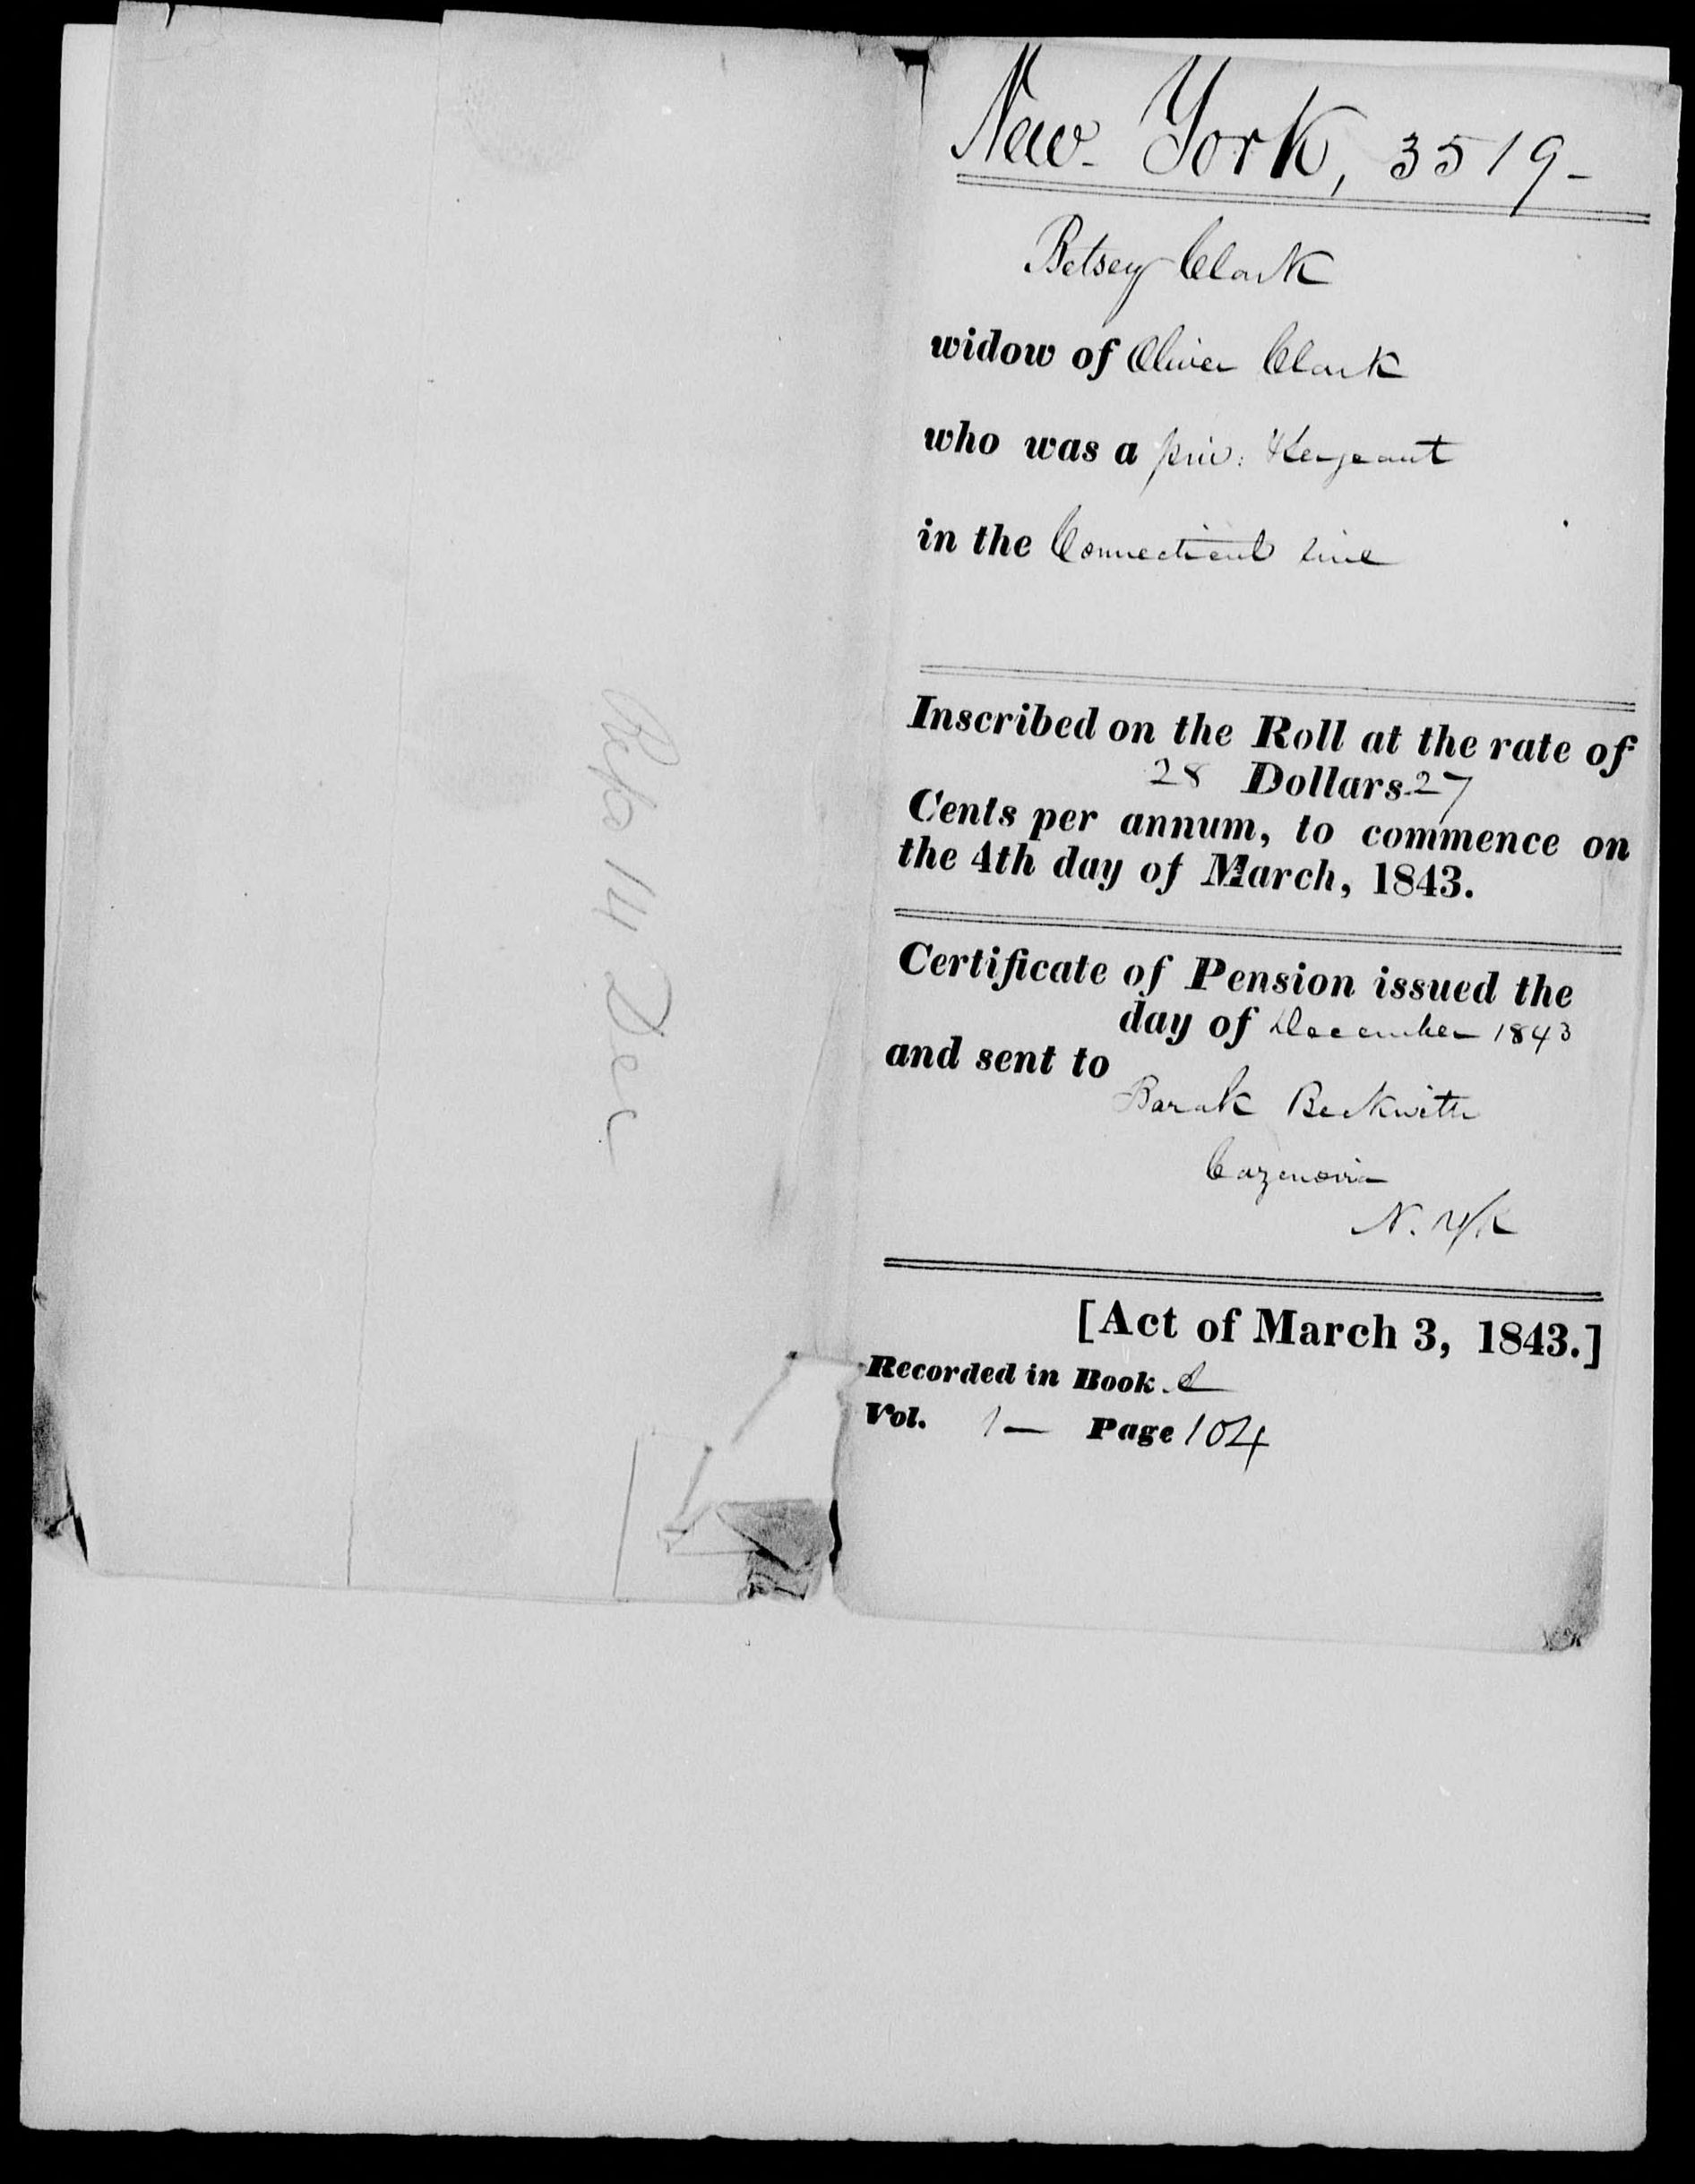[handwritten]
New. York, 3519-
Betsey Clark
widow of Oliver Clark
who was a priv. & sergeant
in the Connecticut line
Inscribed on the Roll at the rate of 28 Dollars 27 Cents per annum, to commence on 4th day of March, 1843.
Certificate of Pension issued the [blank] day of December 1840 and sent to Barak Beckwith
Cazenovia N. Y. 
[Act of March 3, 1843.]
Recorded in Book A
Vol. 1 – Page 104

[left page]
Refd 14 Dec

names: Barak Beckwith, Oliver Clark, Betsey Clark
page: 19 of 51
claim: widow's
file: W. 23816, Oliver Clark, Conn.